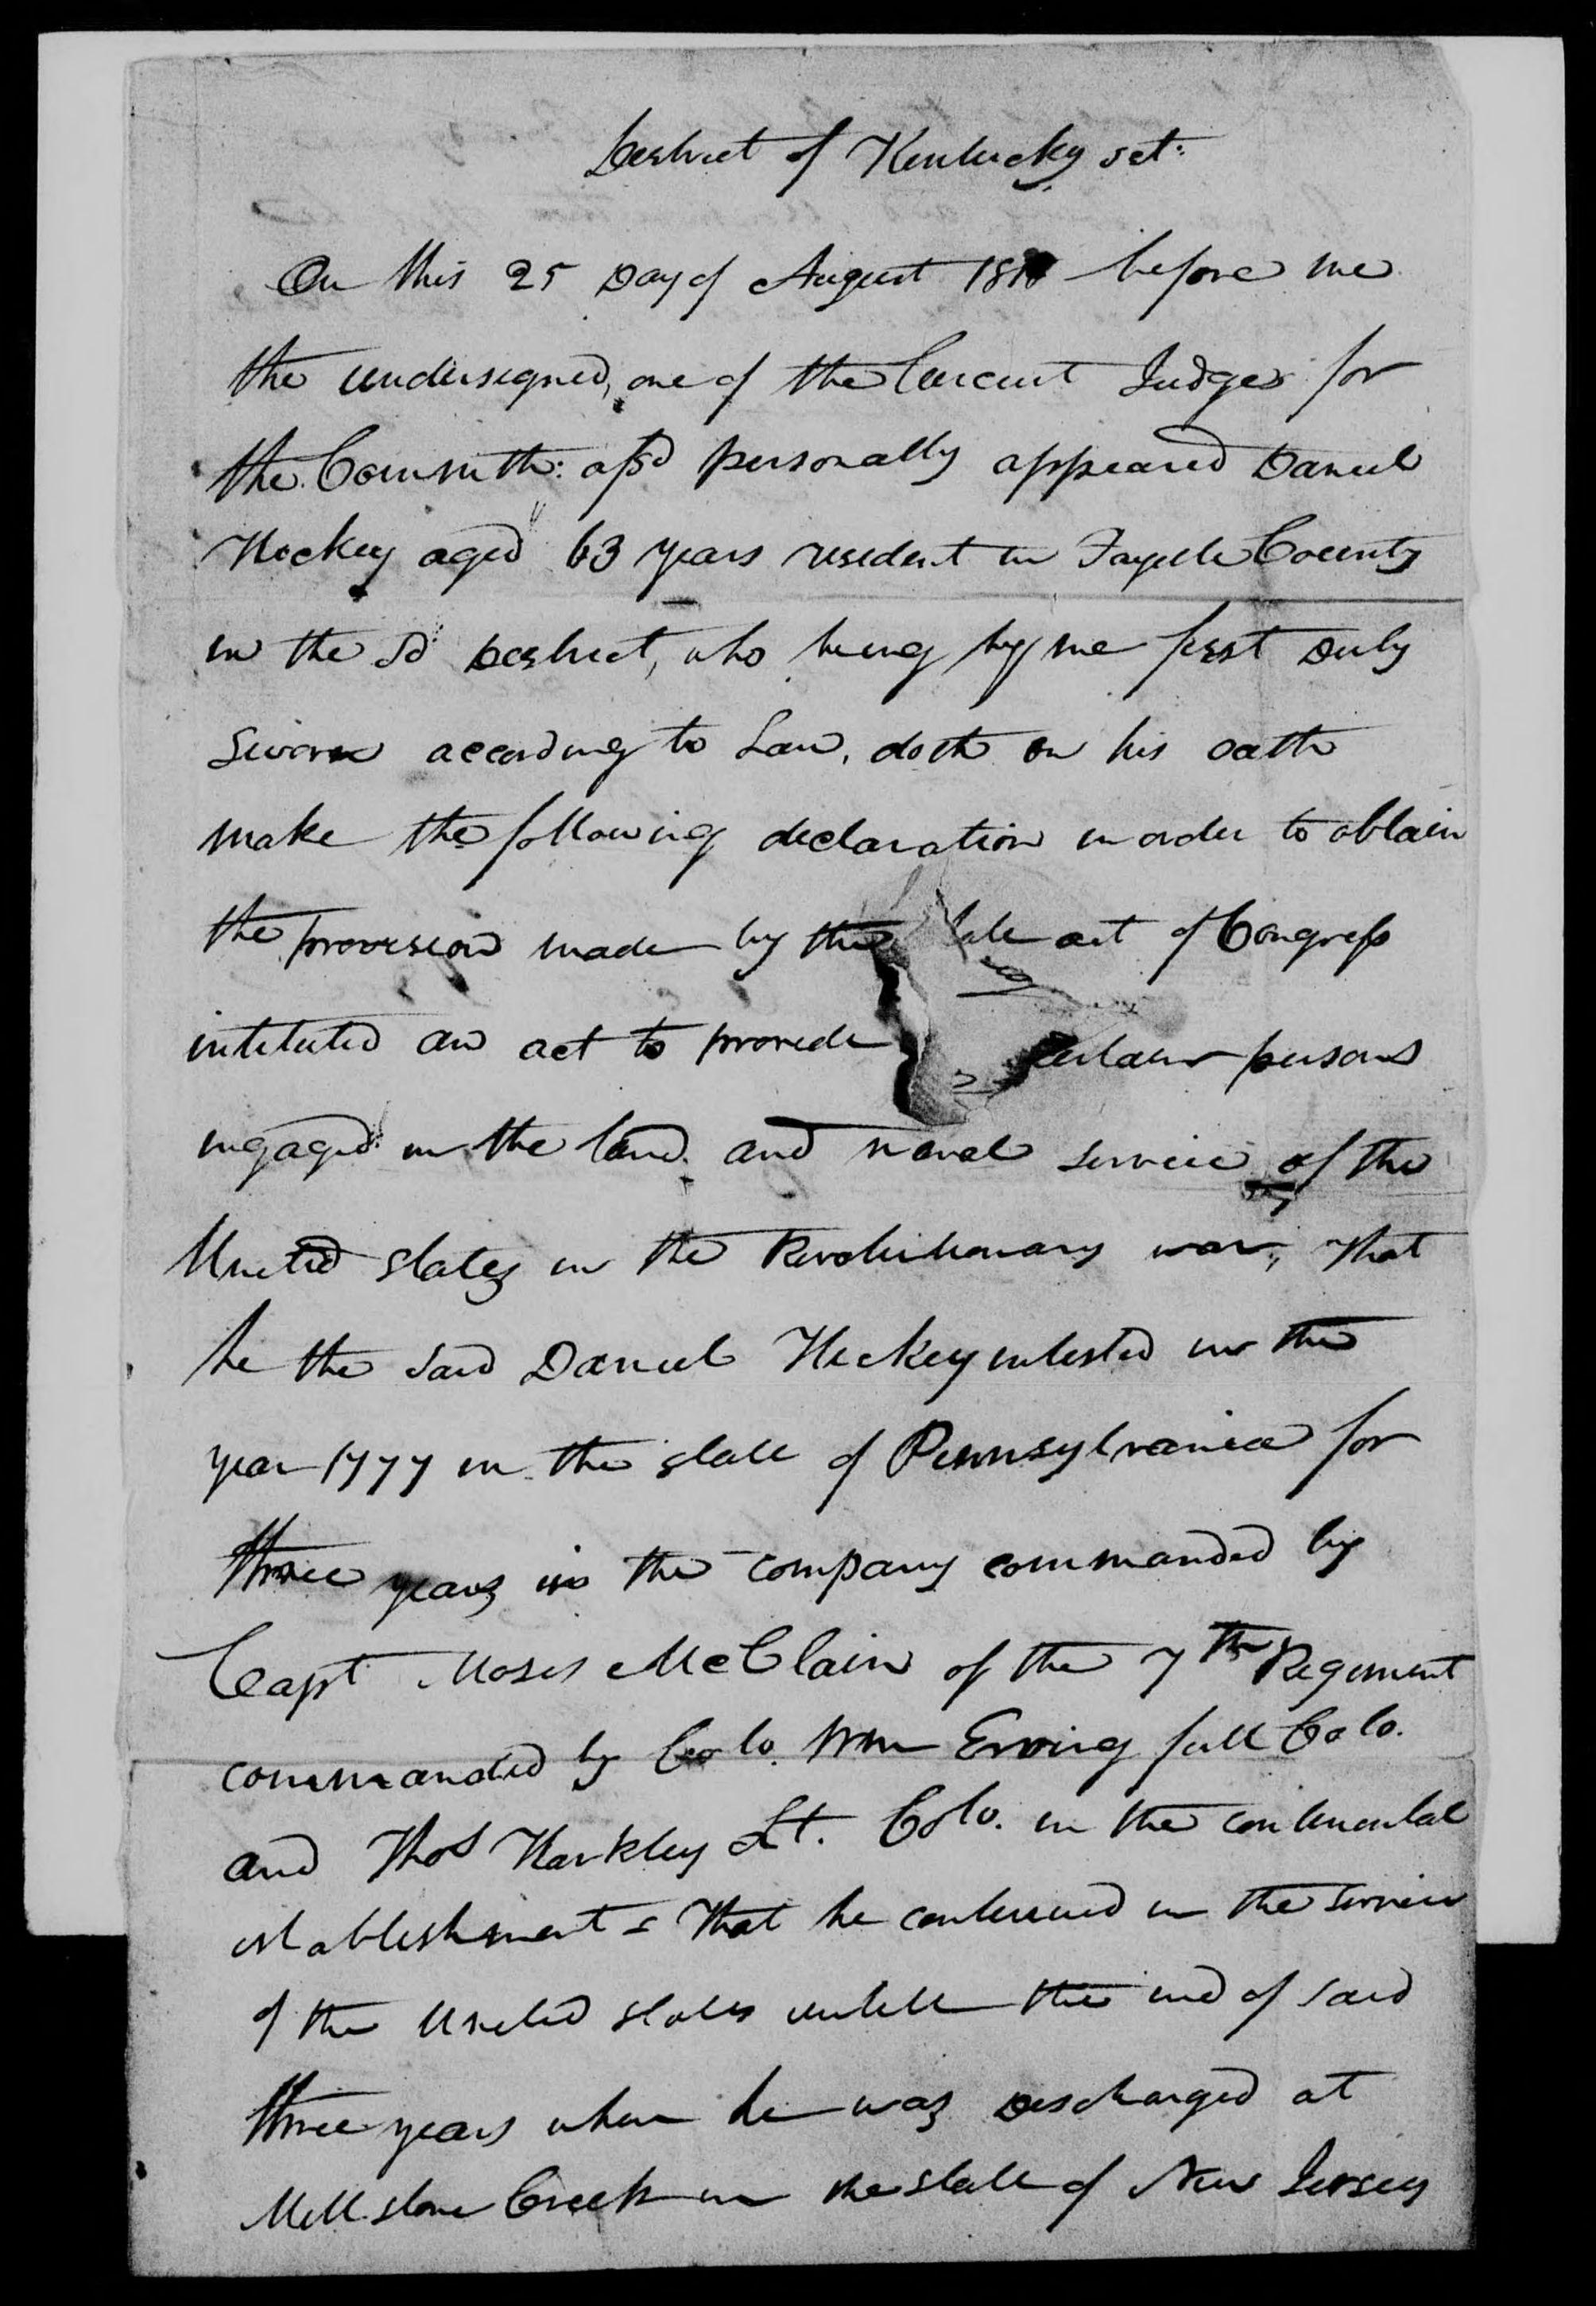District of Kentucky} Ss

On this 25 day of August 1818 before me
the undersigned one of the Circuit Judges for
the Commonwealth of Ky personally appeared Daniel Hickey aged 63 years resident in Fayette County in the sd [said] District, who being by me first duly sworn according to Law, doth on his oath make the following declaration in order to obtain the provision made by the late act of Congress intitled [sic] an act to provide certain persons engaged in the land and naval
service of the United States in the Revolutionary war; that he the said Daniel Hickey enlisted in the year 1777 in the state of Pennsylvania for three years in the company commanded by Capt Moses McClain of the 7th Regiment commanded by Colo Wm Erving full Colo. and Thos Harkley Lt. Colo. in the continental establishment, that he continued in the services of the United States untill [sic] the end of said three years when he was discharged at Millstone Creek in the State of New Jersey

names: Daniel Hickey, Wm Erwing, Thos Hackley, Daniel Hickey, Moses Mc Clain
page: 9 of 84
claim: widow's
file: W. 7744, Daniel Hickey, Penn.